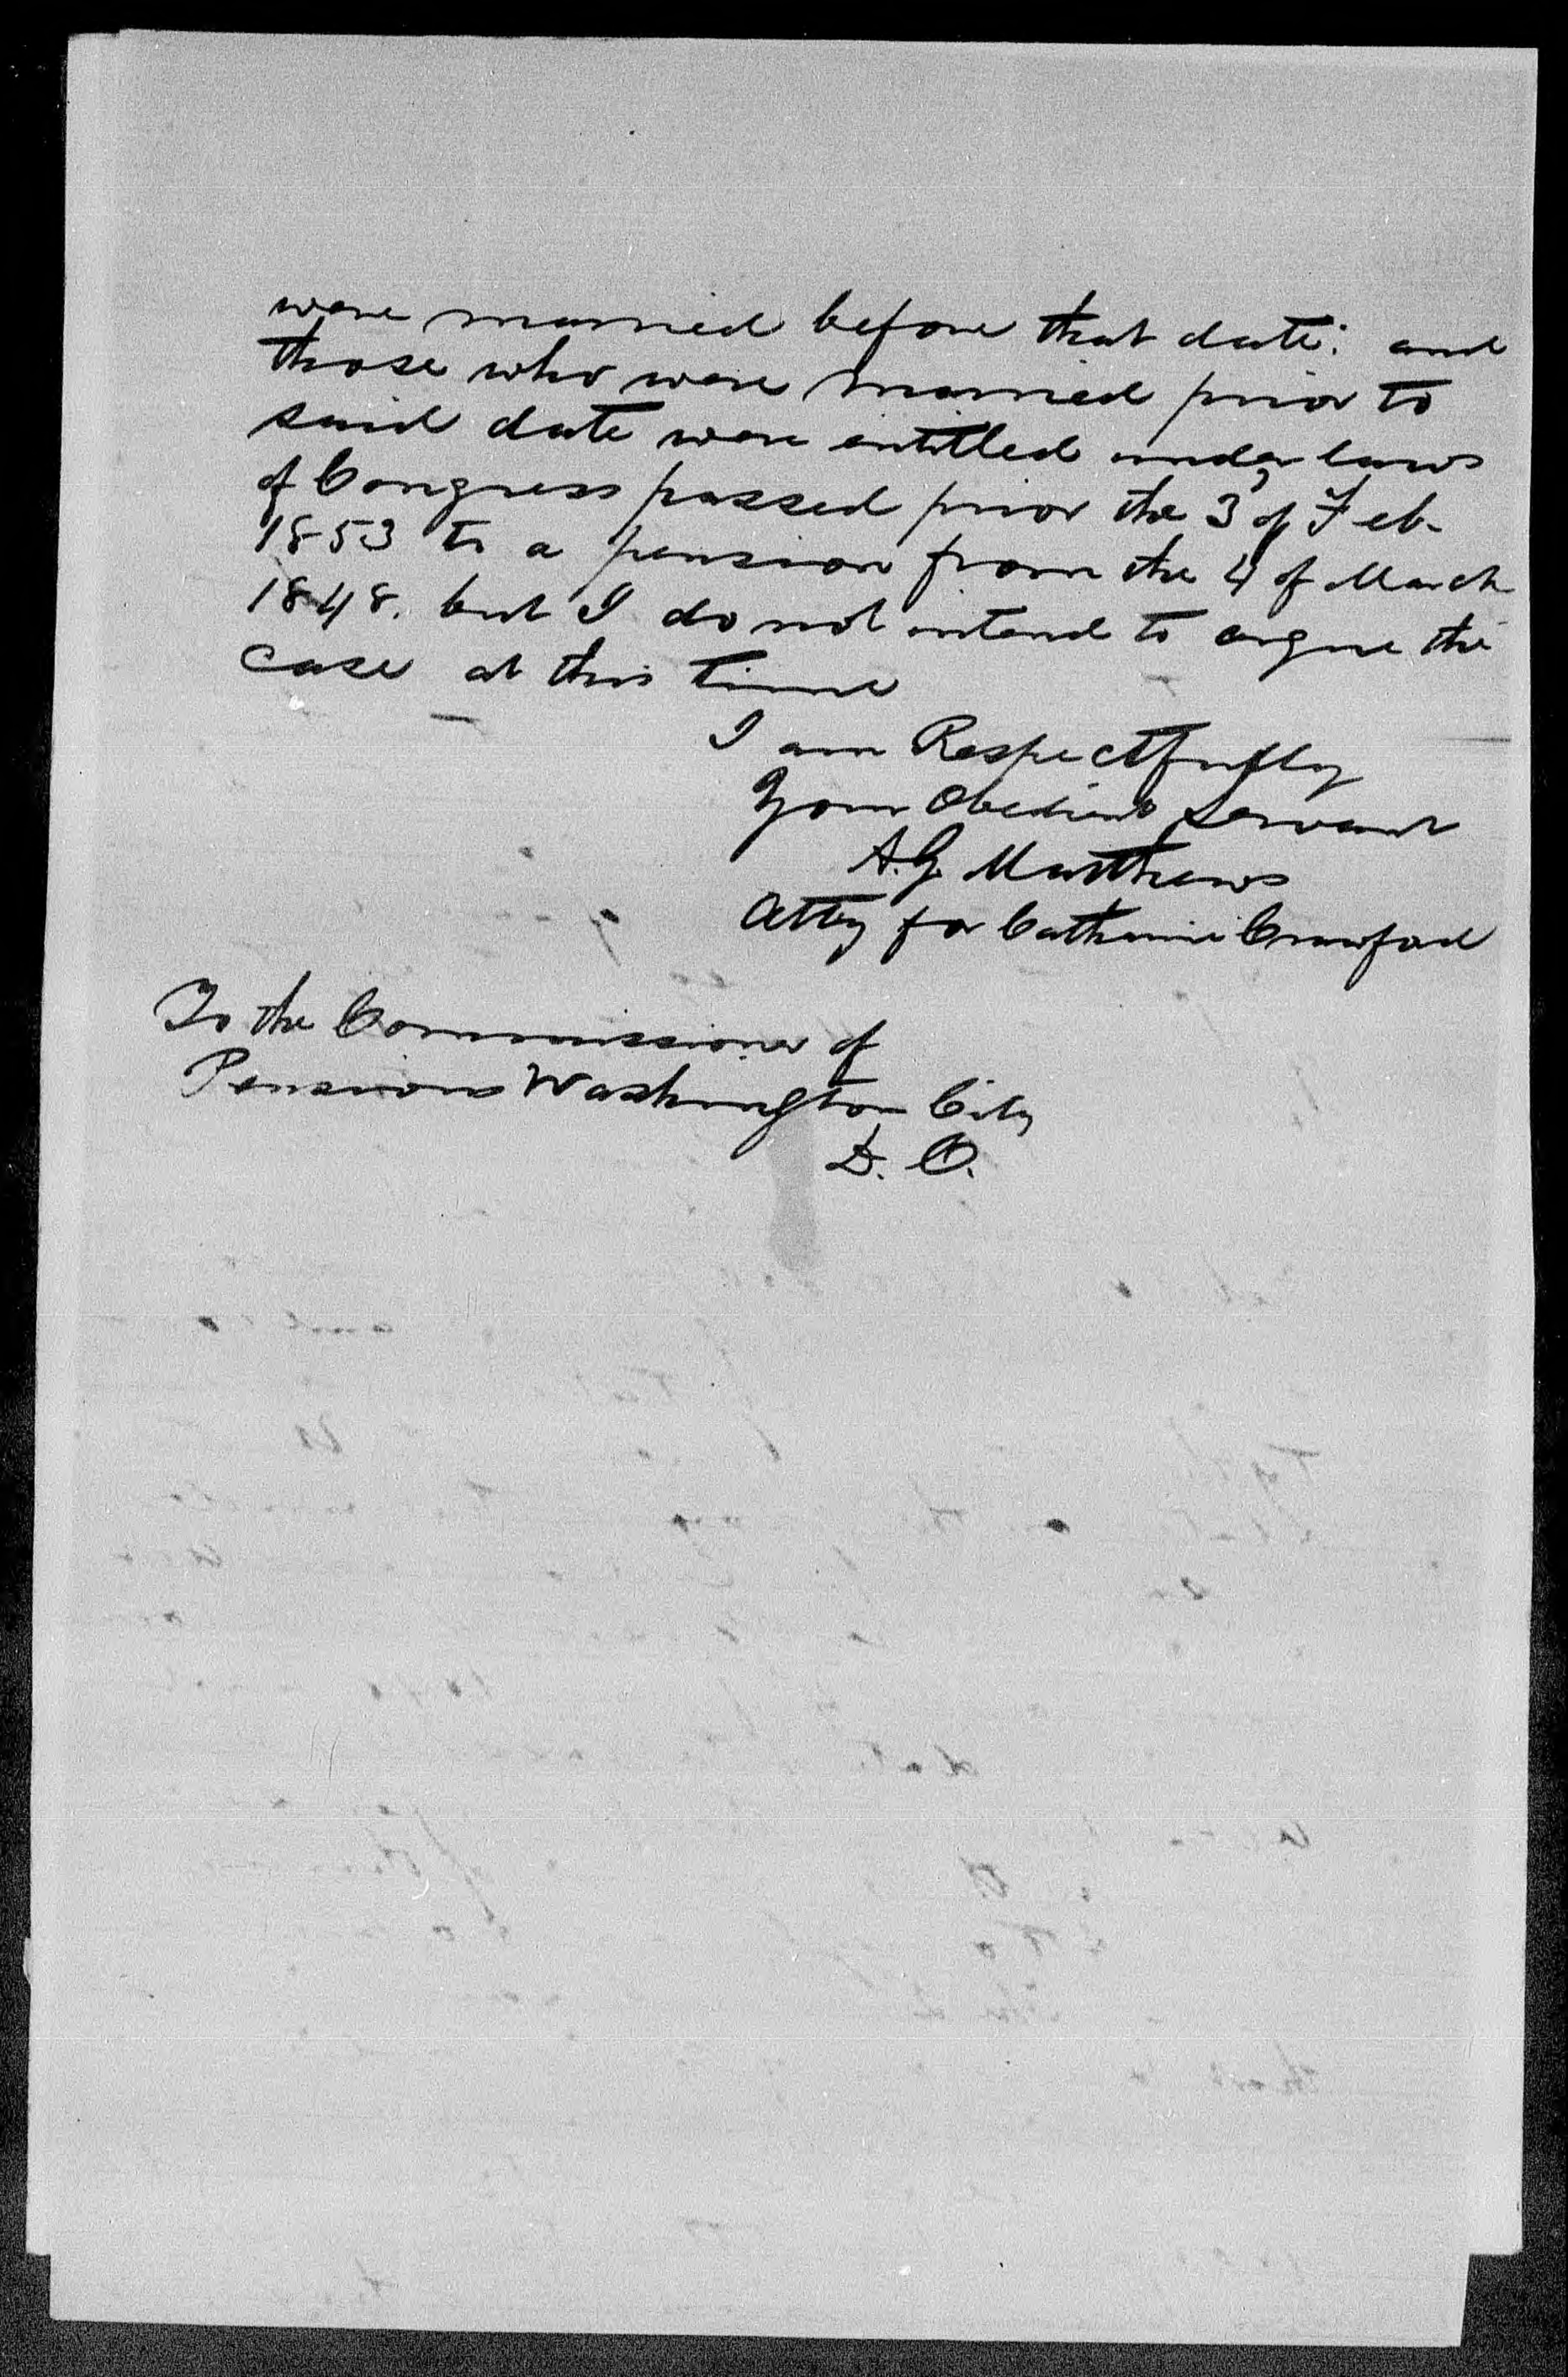married before that date: those who were married prior to said date were entitled under laws
of Congress passed prior the 3 of Feb- 1853 to a pension from the 4 of March 1848, but I do not intend to argue the case at this time
I am Respectfully
your obedient servant
A.G. Matthews
Atty for Catherine Crawford

To the Commissioner of Pensions
Washington City
D.C.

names: A G Matthews, Catharine Crawford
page: 48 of 80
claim: widow's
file: W 2070, John Crawford, Penn.